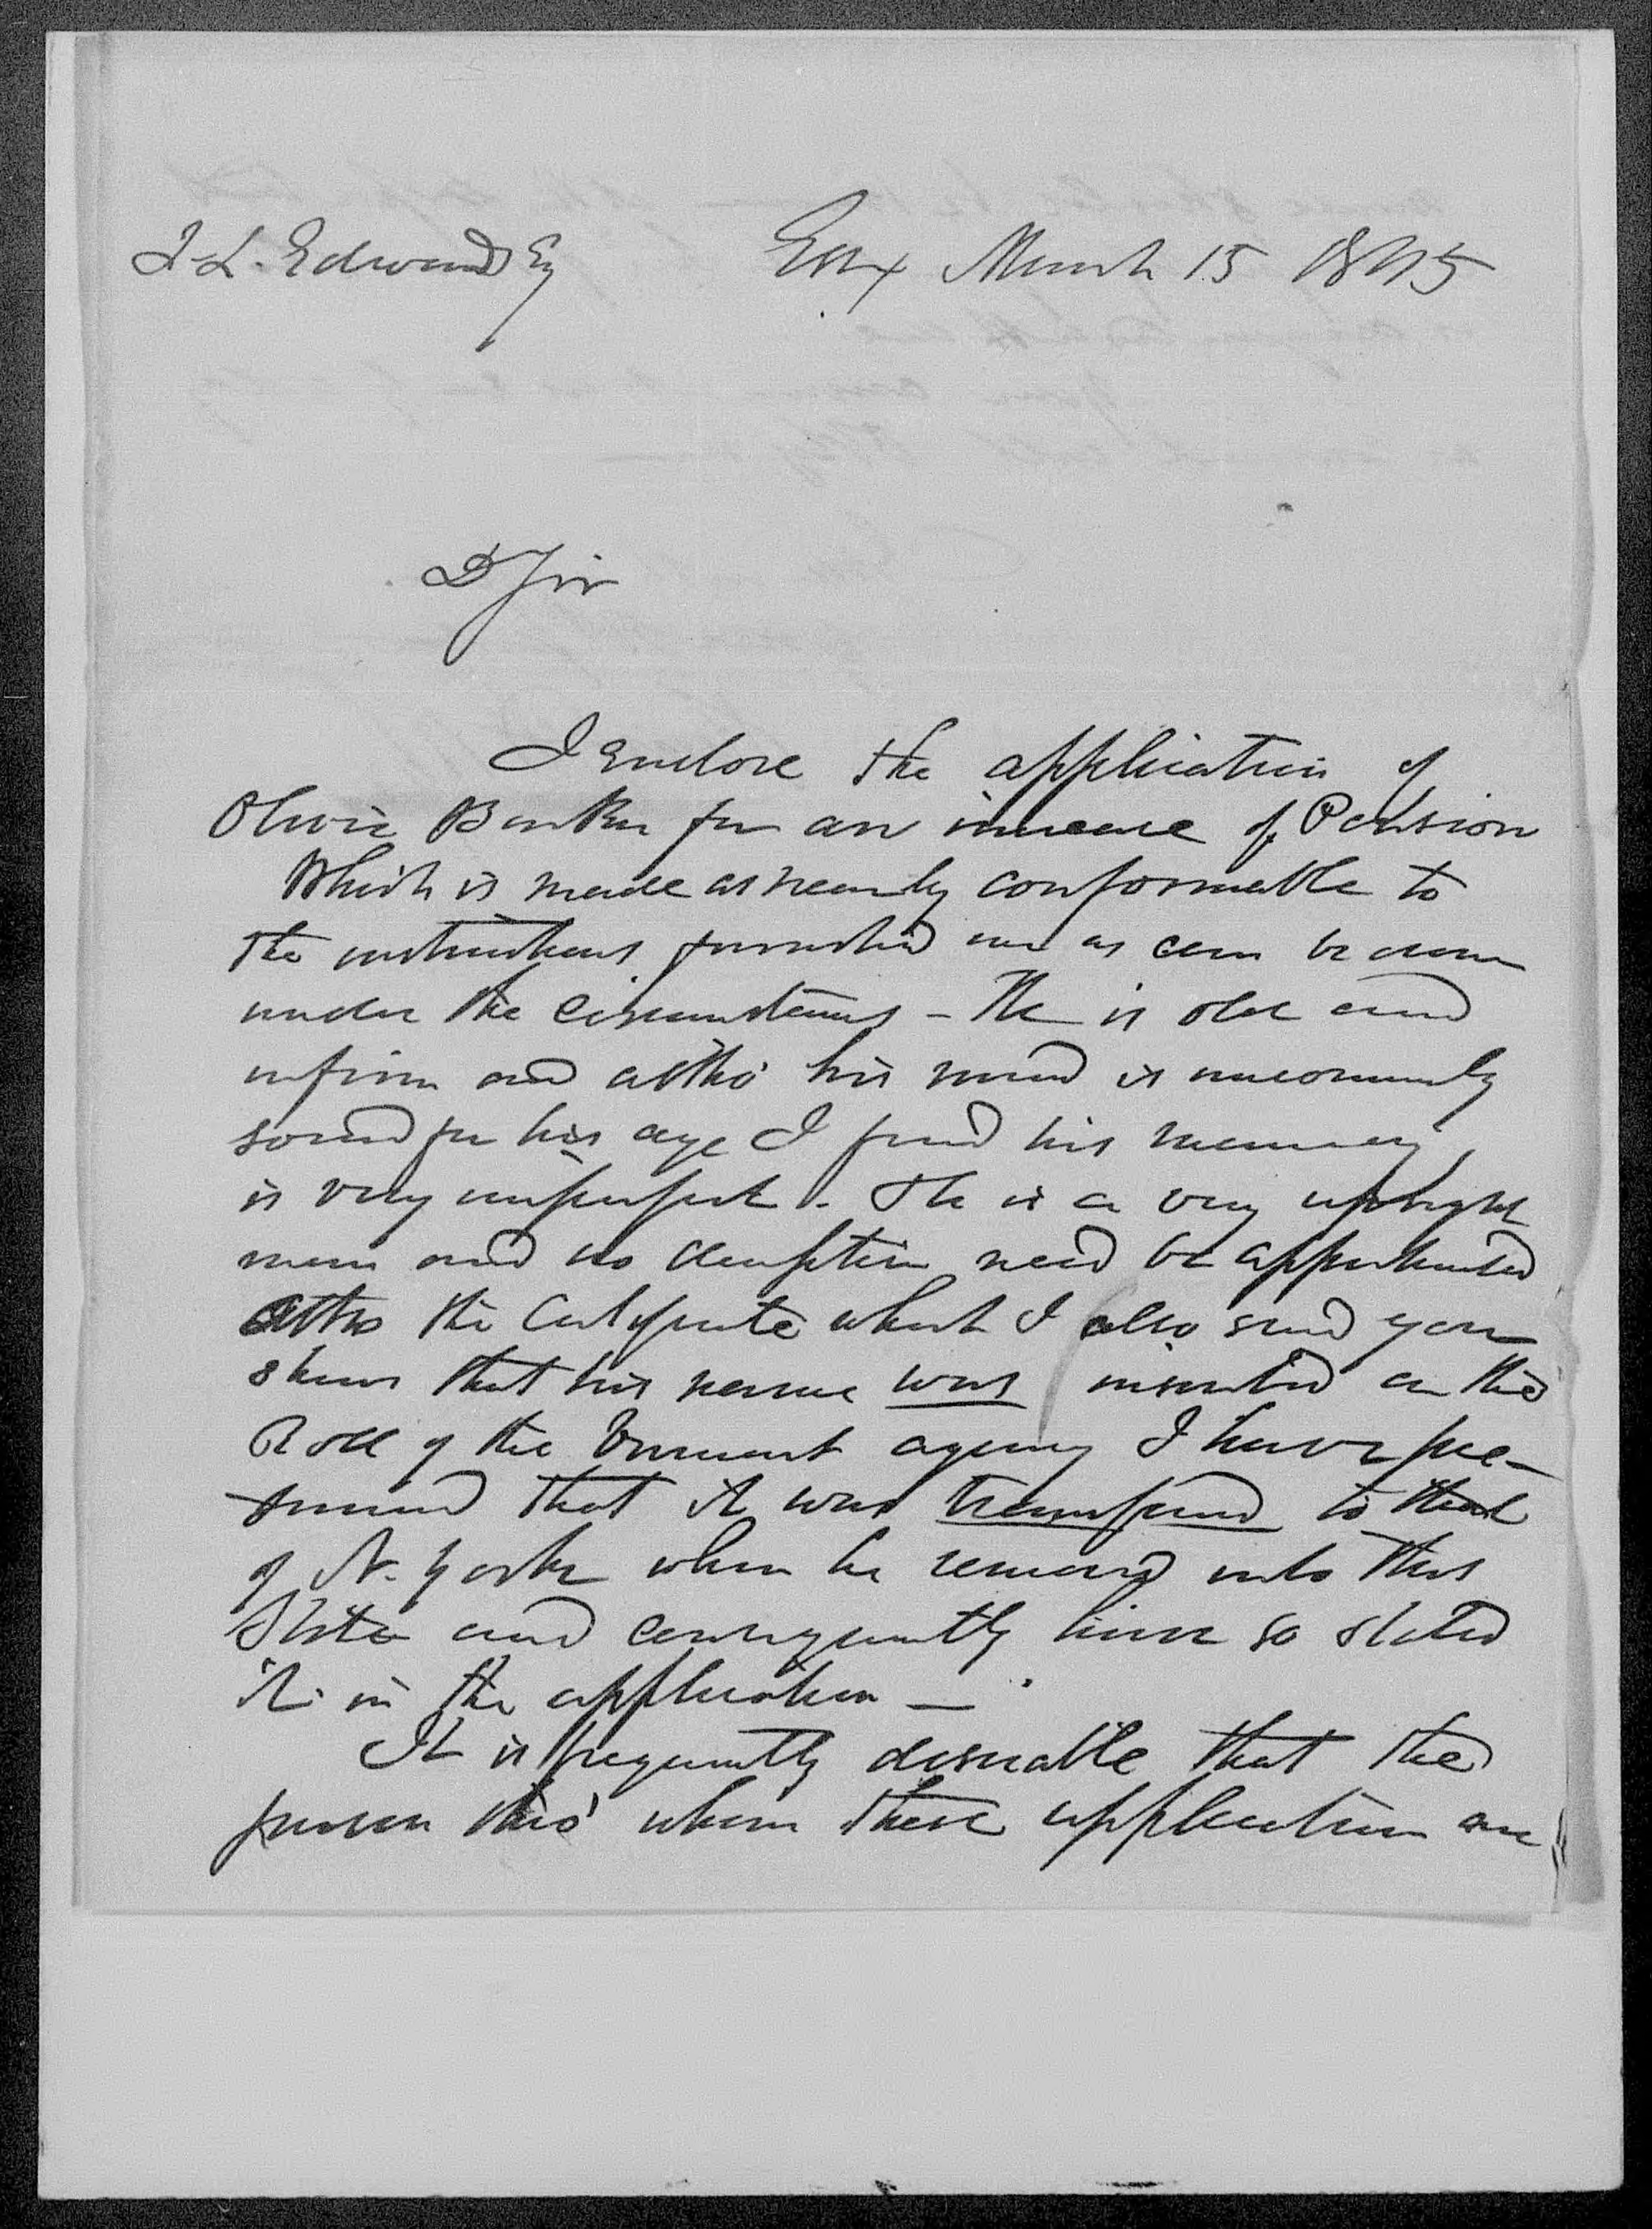J L Edwards Esq  Essex March 15 1845 
D. Sir
I enclose the application of Oliver Barker for an increase of Pension which is made as nearly conformable to the instructions furnished as can be done under the circumstances. He is old and infirm and altho his mind is uncommonly sound for his age I find his memory is very imperfect.
 It is a very upright man and no exception need be apertured altho the certificate which I also said you shews that his name was inscribed on the Roll of the Vermont agency - I have presumed that it was transferred to that of N. York when he removed into this State and consequently him so stated in the application – 
It is frequently desirable that the present this when there applications are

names: Oliver Barker, J L Edwards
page: 37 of 51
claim: widow's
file: W. 1698, Oliver Barker, Conn.